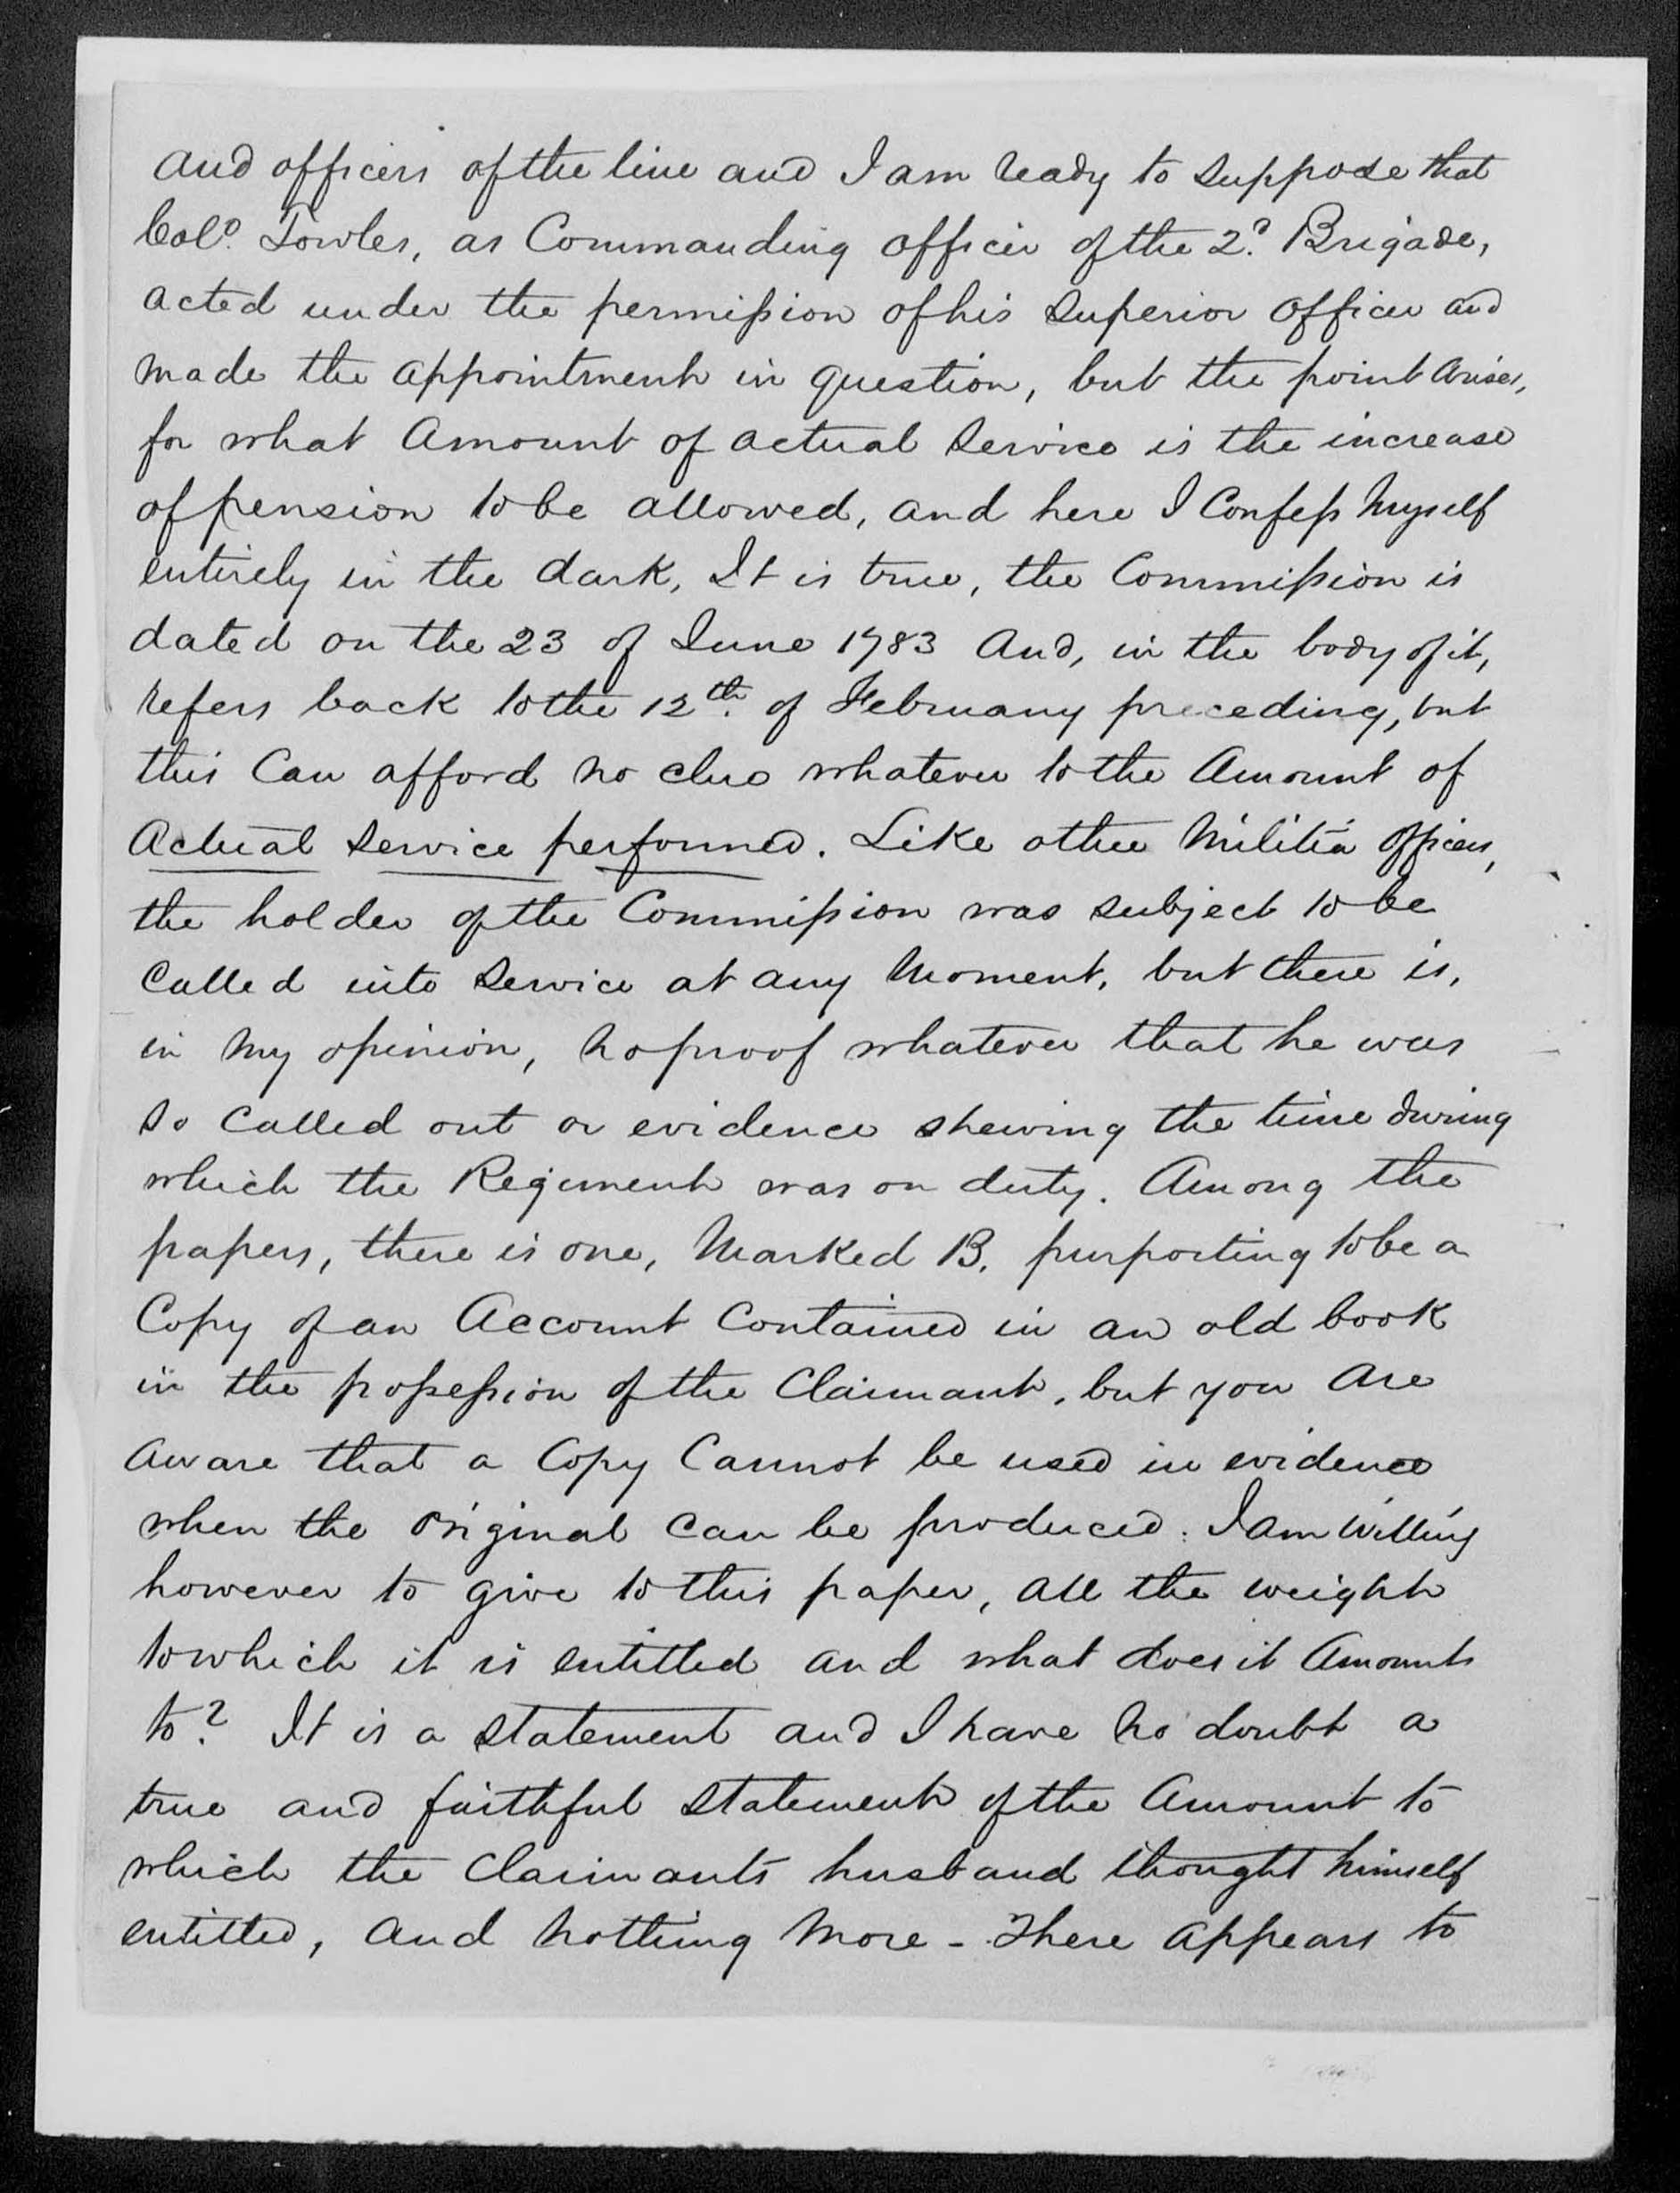and officers of the line and I am ready to suppose that Colo. Fowler, as Commanding officer of the 2d. Brigade, acted under the permission of his superior officer and made the appointment in question, but the point Arise, for what Amount of actual service is the increase of pension to be allowed, and here I Confess myself entirely in the dark, It is true, the Commission is dated on the 23 of June 1783 And, in the body of it, refers back to the 12th. of February preceding, but this Can afford no clue whatever to the Amount of Actual Service performed. Like other Militia officers, the holder of the Commission was subject to be called into Service at any moment, but there is, in my opinion, no proof whatever that he was so Called out or evidence showing the time during which the Regiment was on duty. Among the papers, there is one, Marked B. purporting to be a Copy of an Account Contained in an old book in the possession of the Claimant, but you are Aware that a Copy Cannot be used in evidence when the Original can be produced. I am willing however to give to this paper, all the weight to which it is entitled and what does it Amount to? It is a statement and I have no doubt a true and faithful statement of the Amount to which the Claimants husband thought himself entitled, And nothing more. There appears to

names: Fowles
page: 168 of 267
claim: widow's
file: W. 4,149, William Campbell, Va.